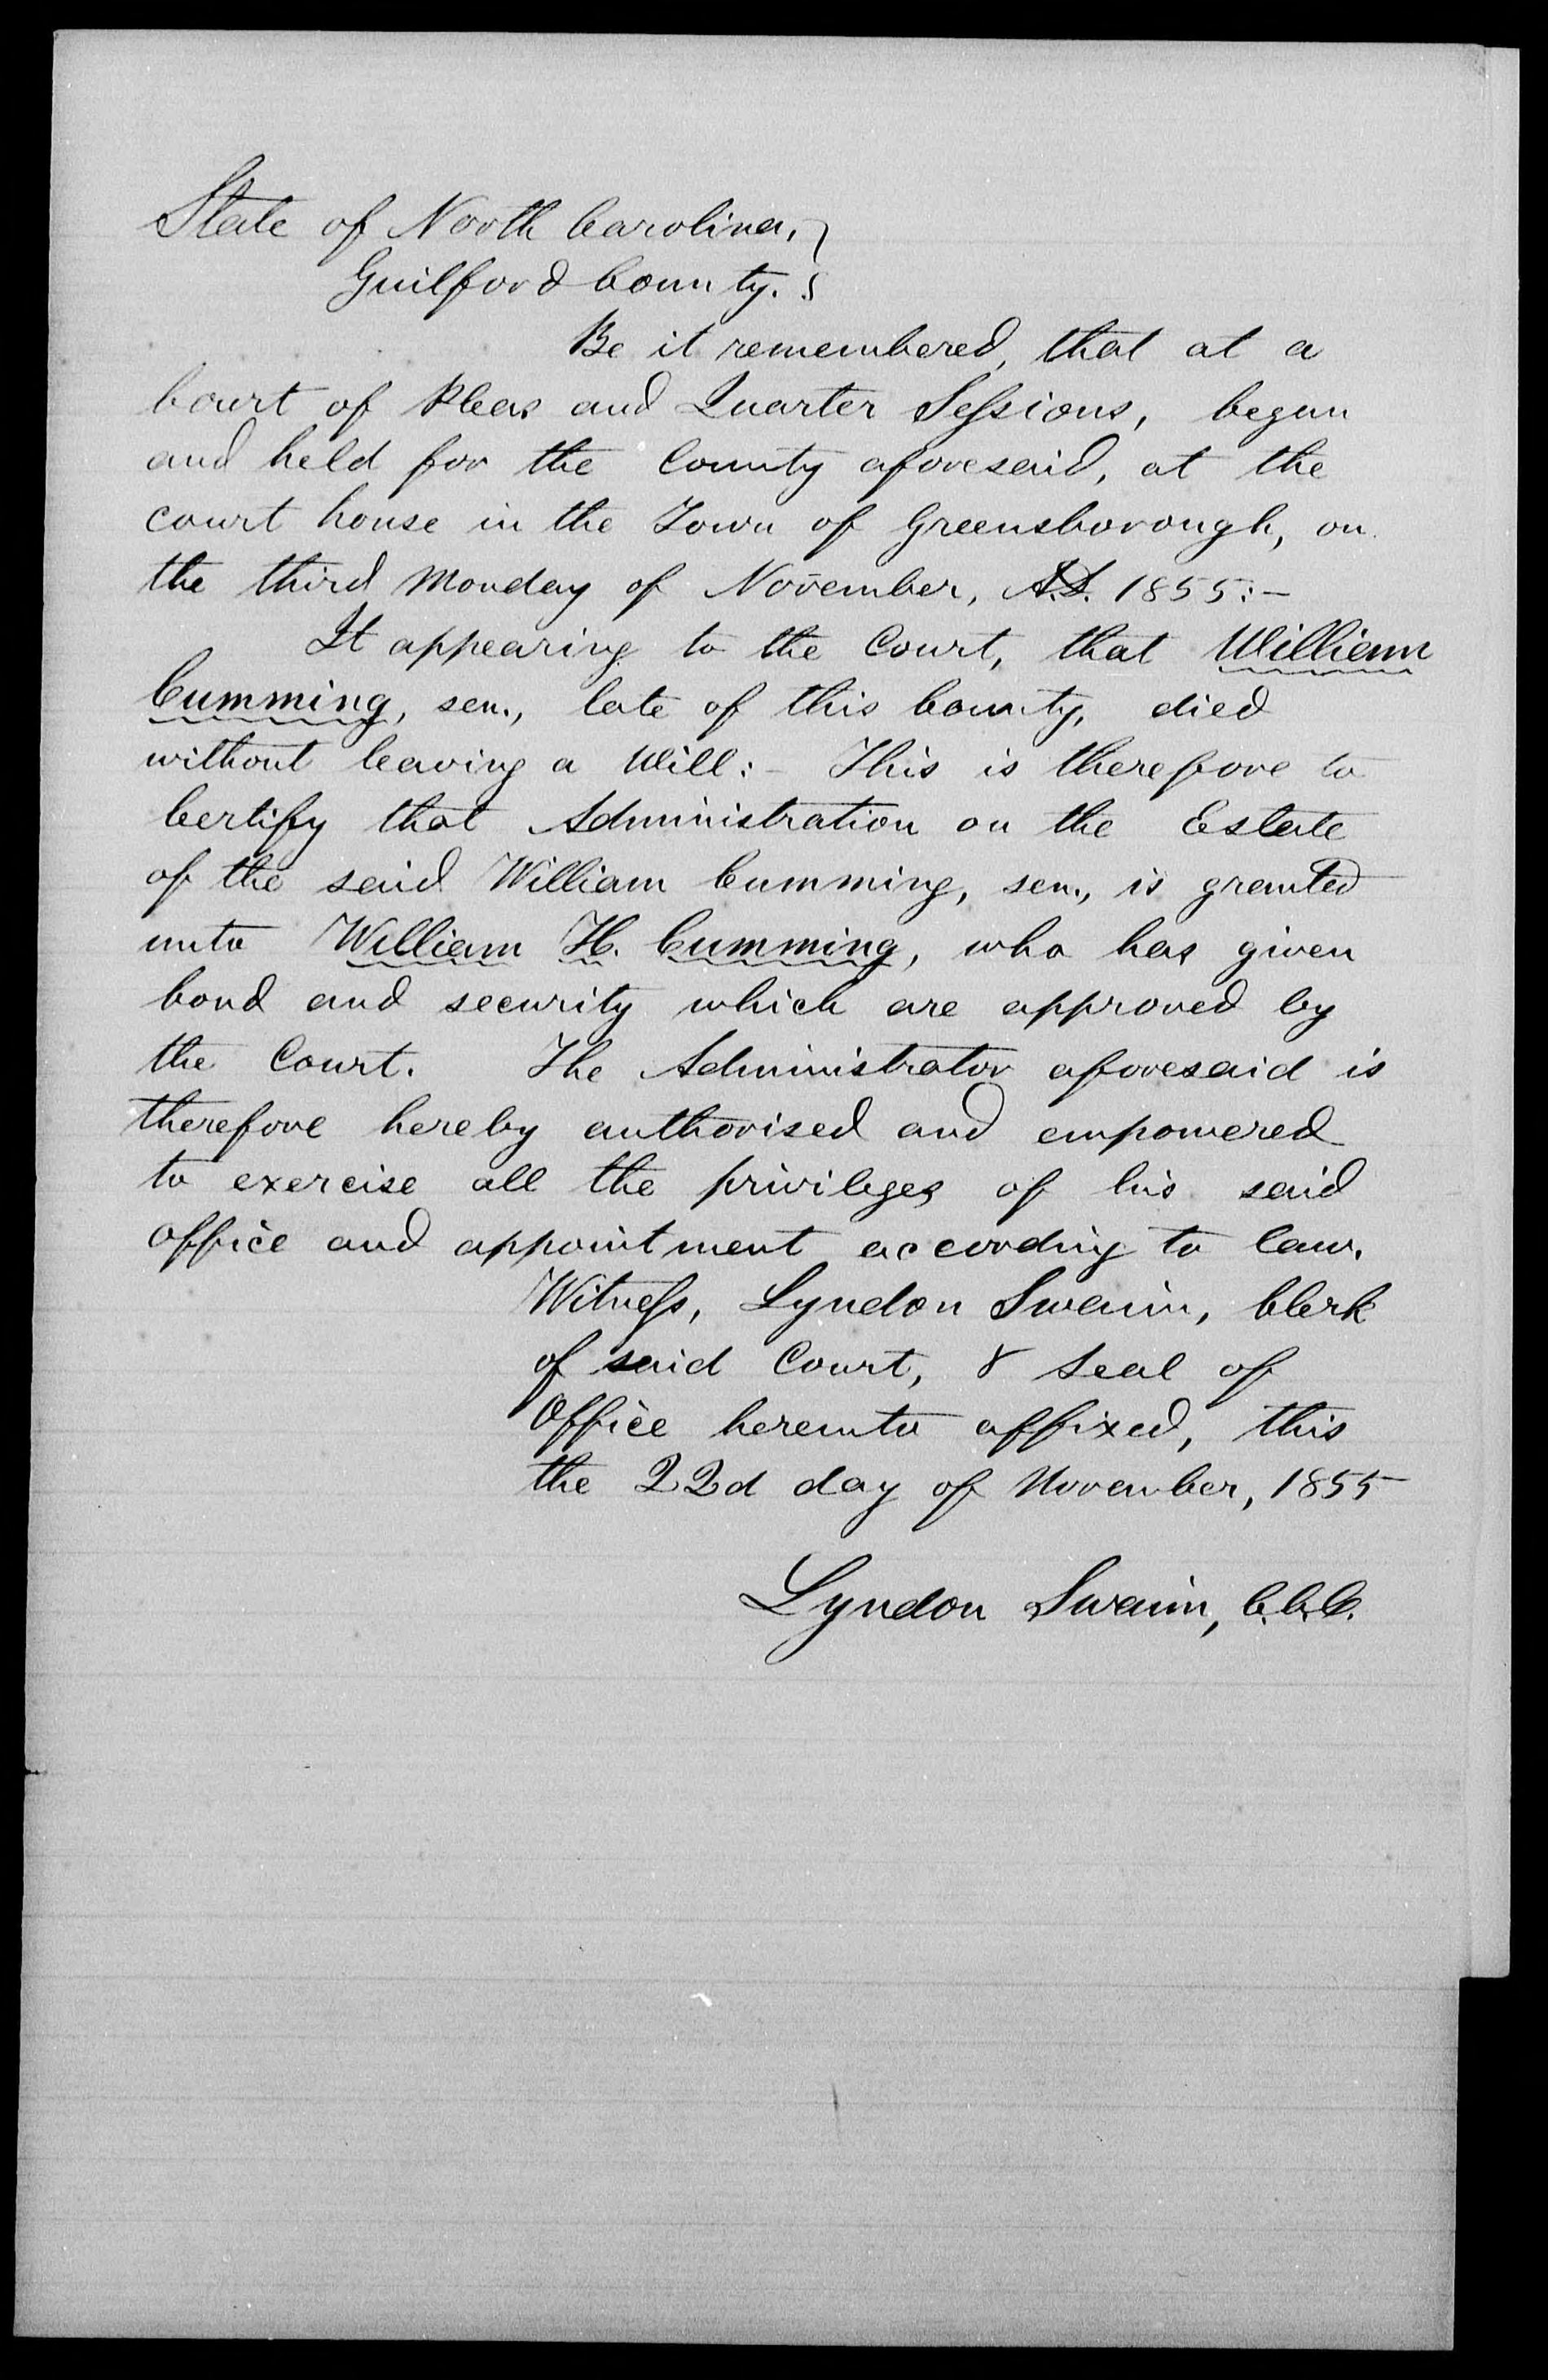[Handwritten record]

State of North Carolina,)
Guilford County.)

Be it remembered, that at a Court of Pleas and Quarter Sessions, begun and held for the County aforesaid, at the court house in the Town of Greensborough, on the third Monday of November, A.D. 1855:-

It appearing to the Court, that [here the following name is underlined:] William Cumming, sen., [Senior] late of this County, died without leaving a Will:  - This is therefore to Certify that Administration on the Estate of the said William Cumming, sen. [Senior], is granted unto [here the following name is underlined:] William H. Cumming, who has given bond and security which are approved by the Court.

The Administrator aforesaid is therefore hereby authorised and empowered to exercise all the privileges of his said office and appointment according to law.

Witness, Lyndon Swaim, Clerk of said Court, and Seal of Office hereunto affixed, this the 22d day of November, 1855

[Signature]  Lyndon Swaim, C.C.C. [possibly meaning Clerk of County Court]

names: William H Cumming, William Cumming, Lyndon Swaim, William Cumming, Lyndon Swaim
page: 106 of 145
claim: survivor's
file: S. 8265, William Cumming, N.C.